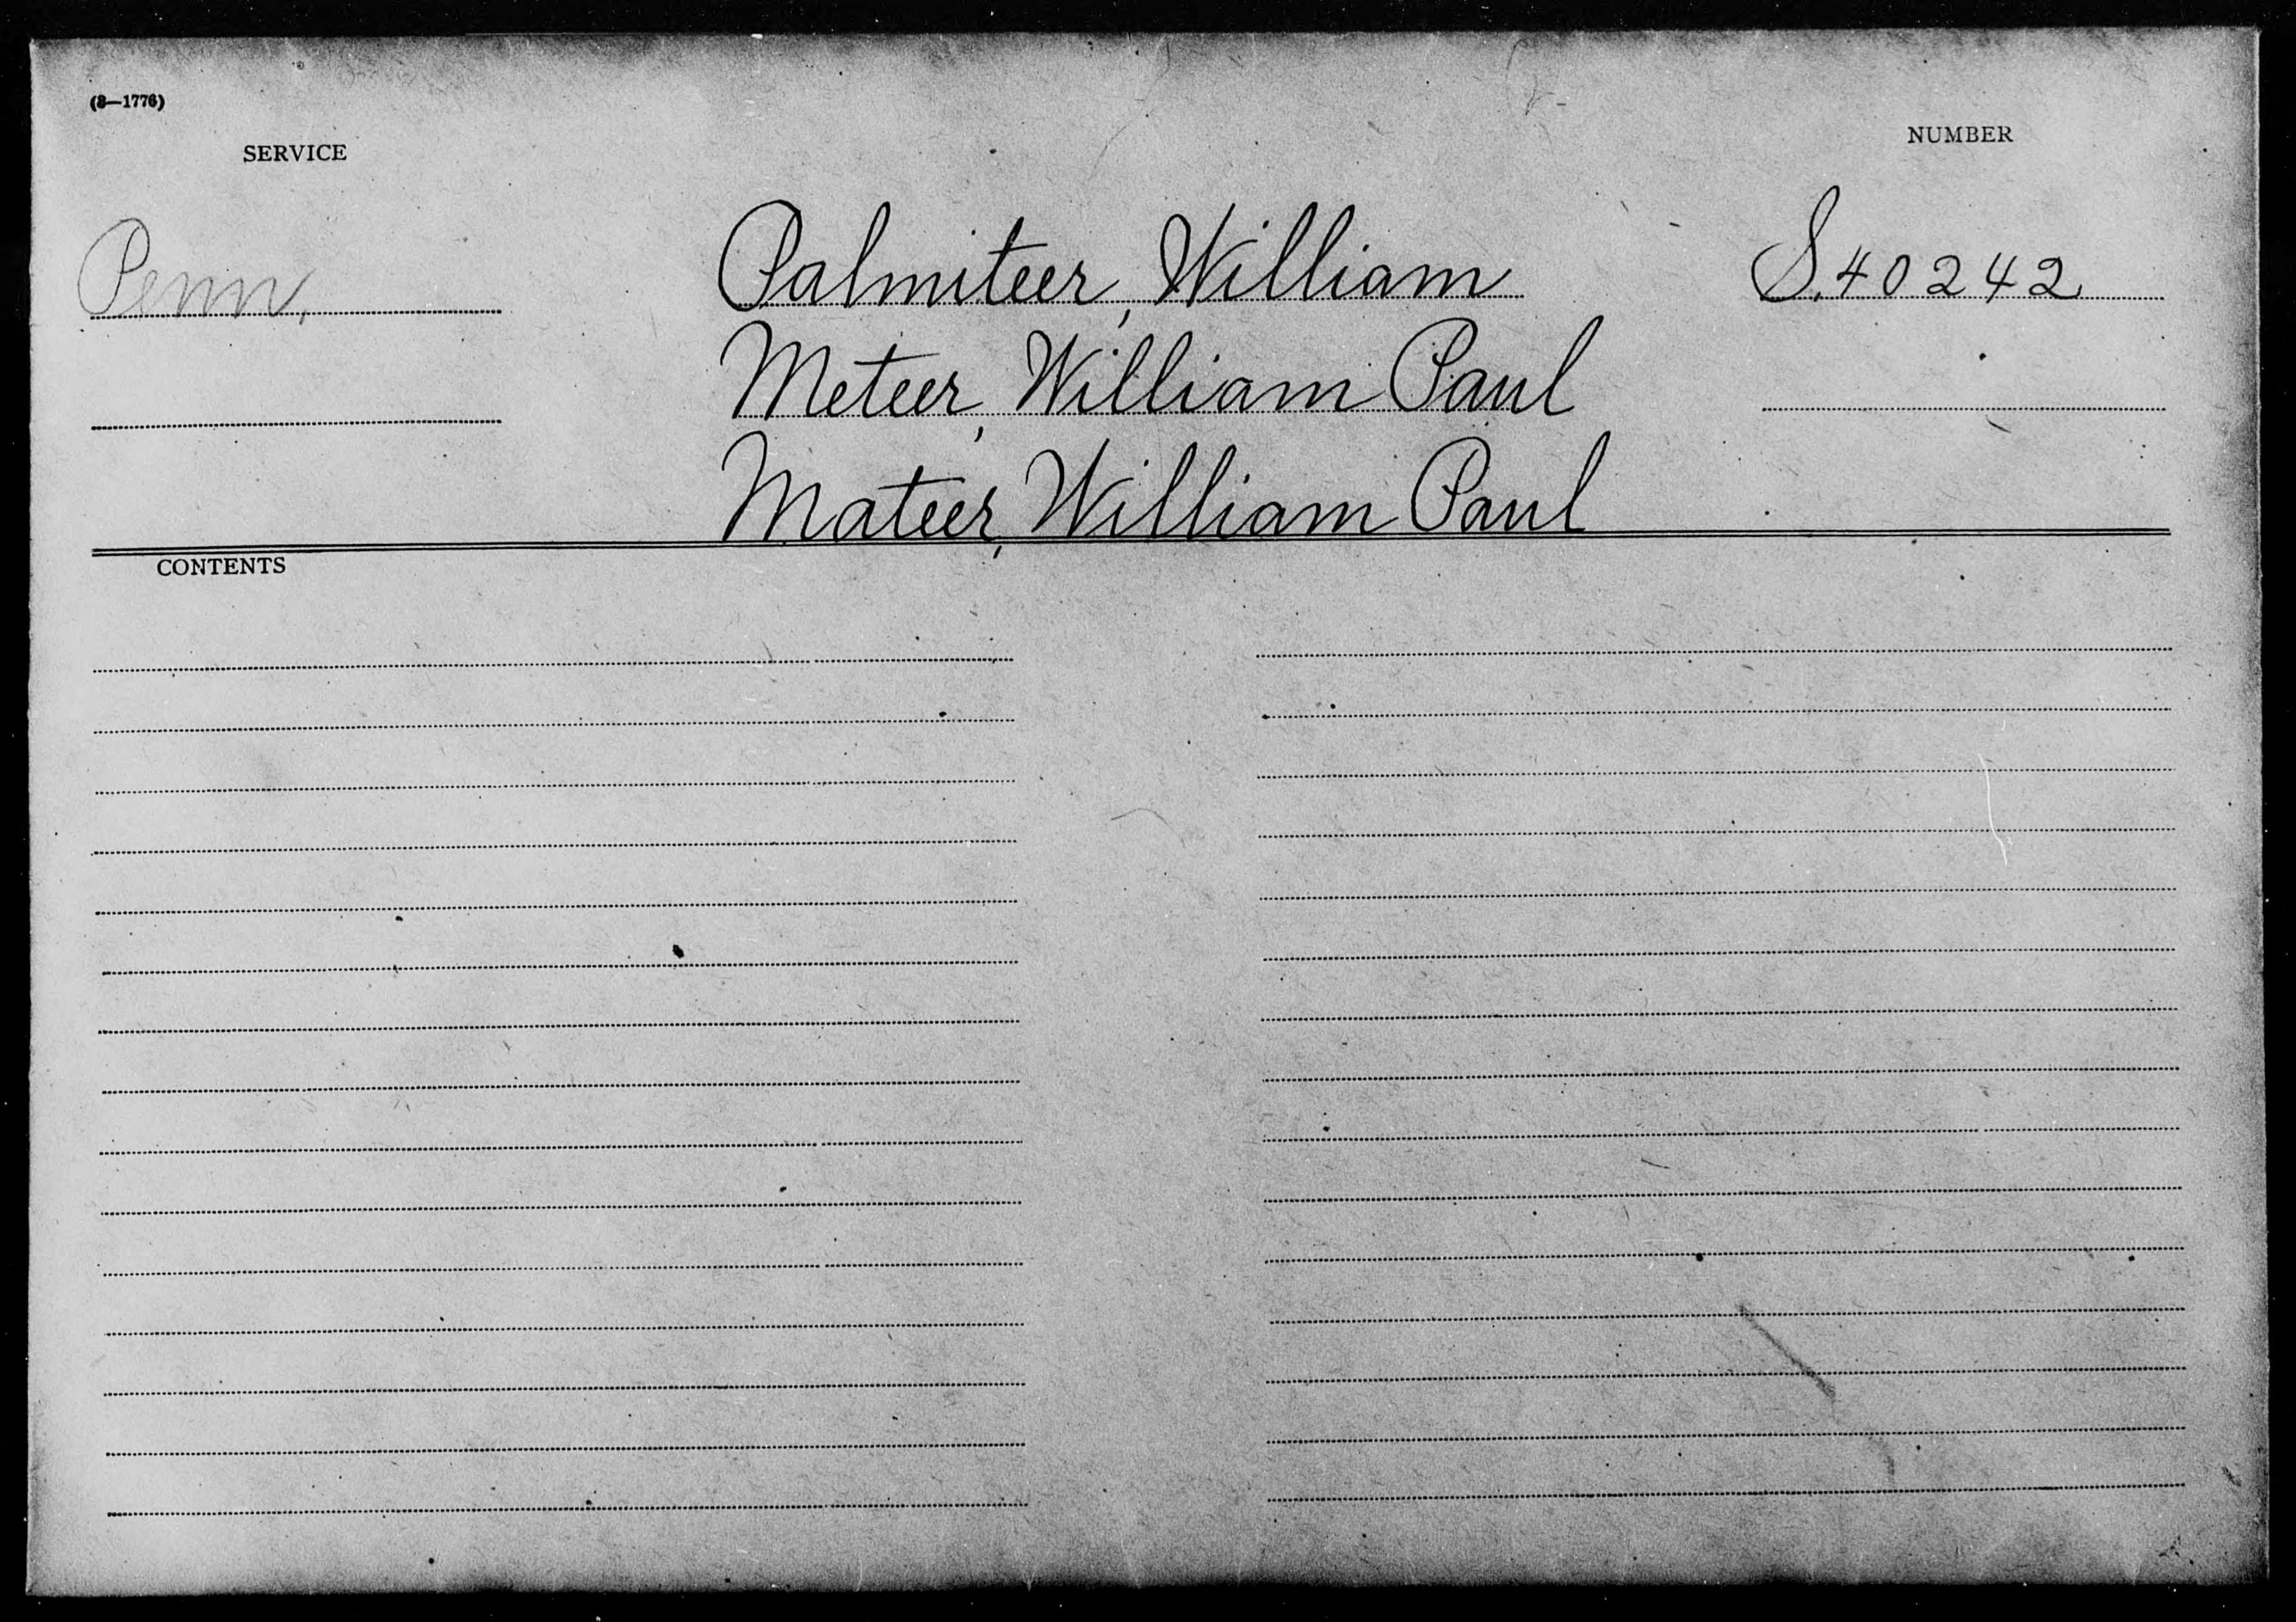Service                                              Number

Penn.                 Palmiteer, William    S.40242
                          Meteer, William Paul
                          Mateer, William Paul

==========================
Contents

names: William Paul Meteer; William Paul Mateer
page: 1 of 14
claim: survivor's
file: S. 40242, for William Palmiteer, Pennsylvania